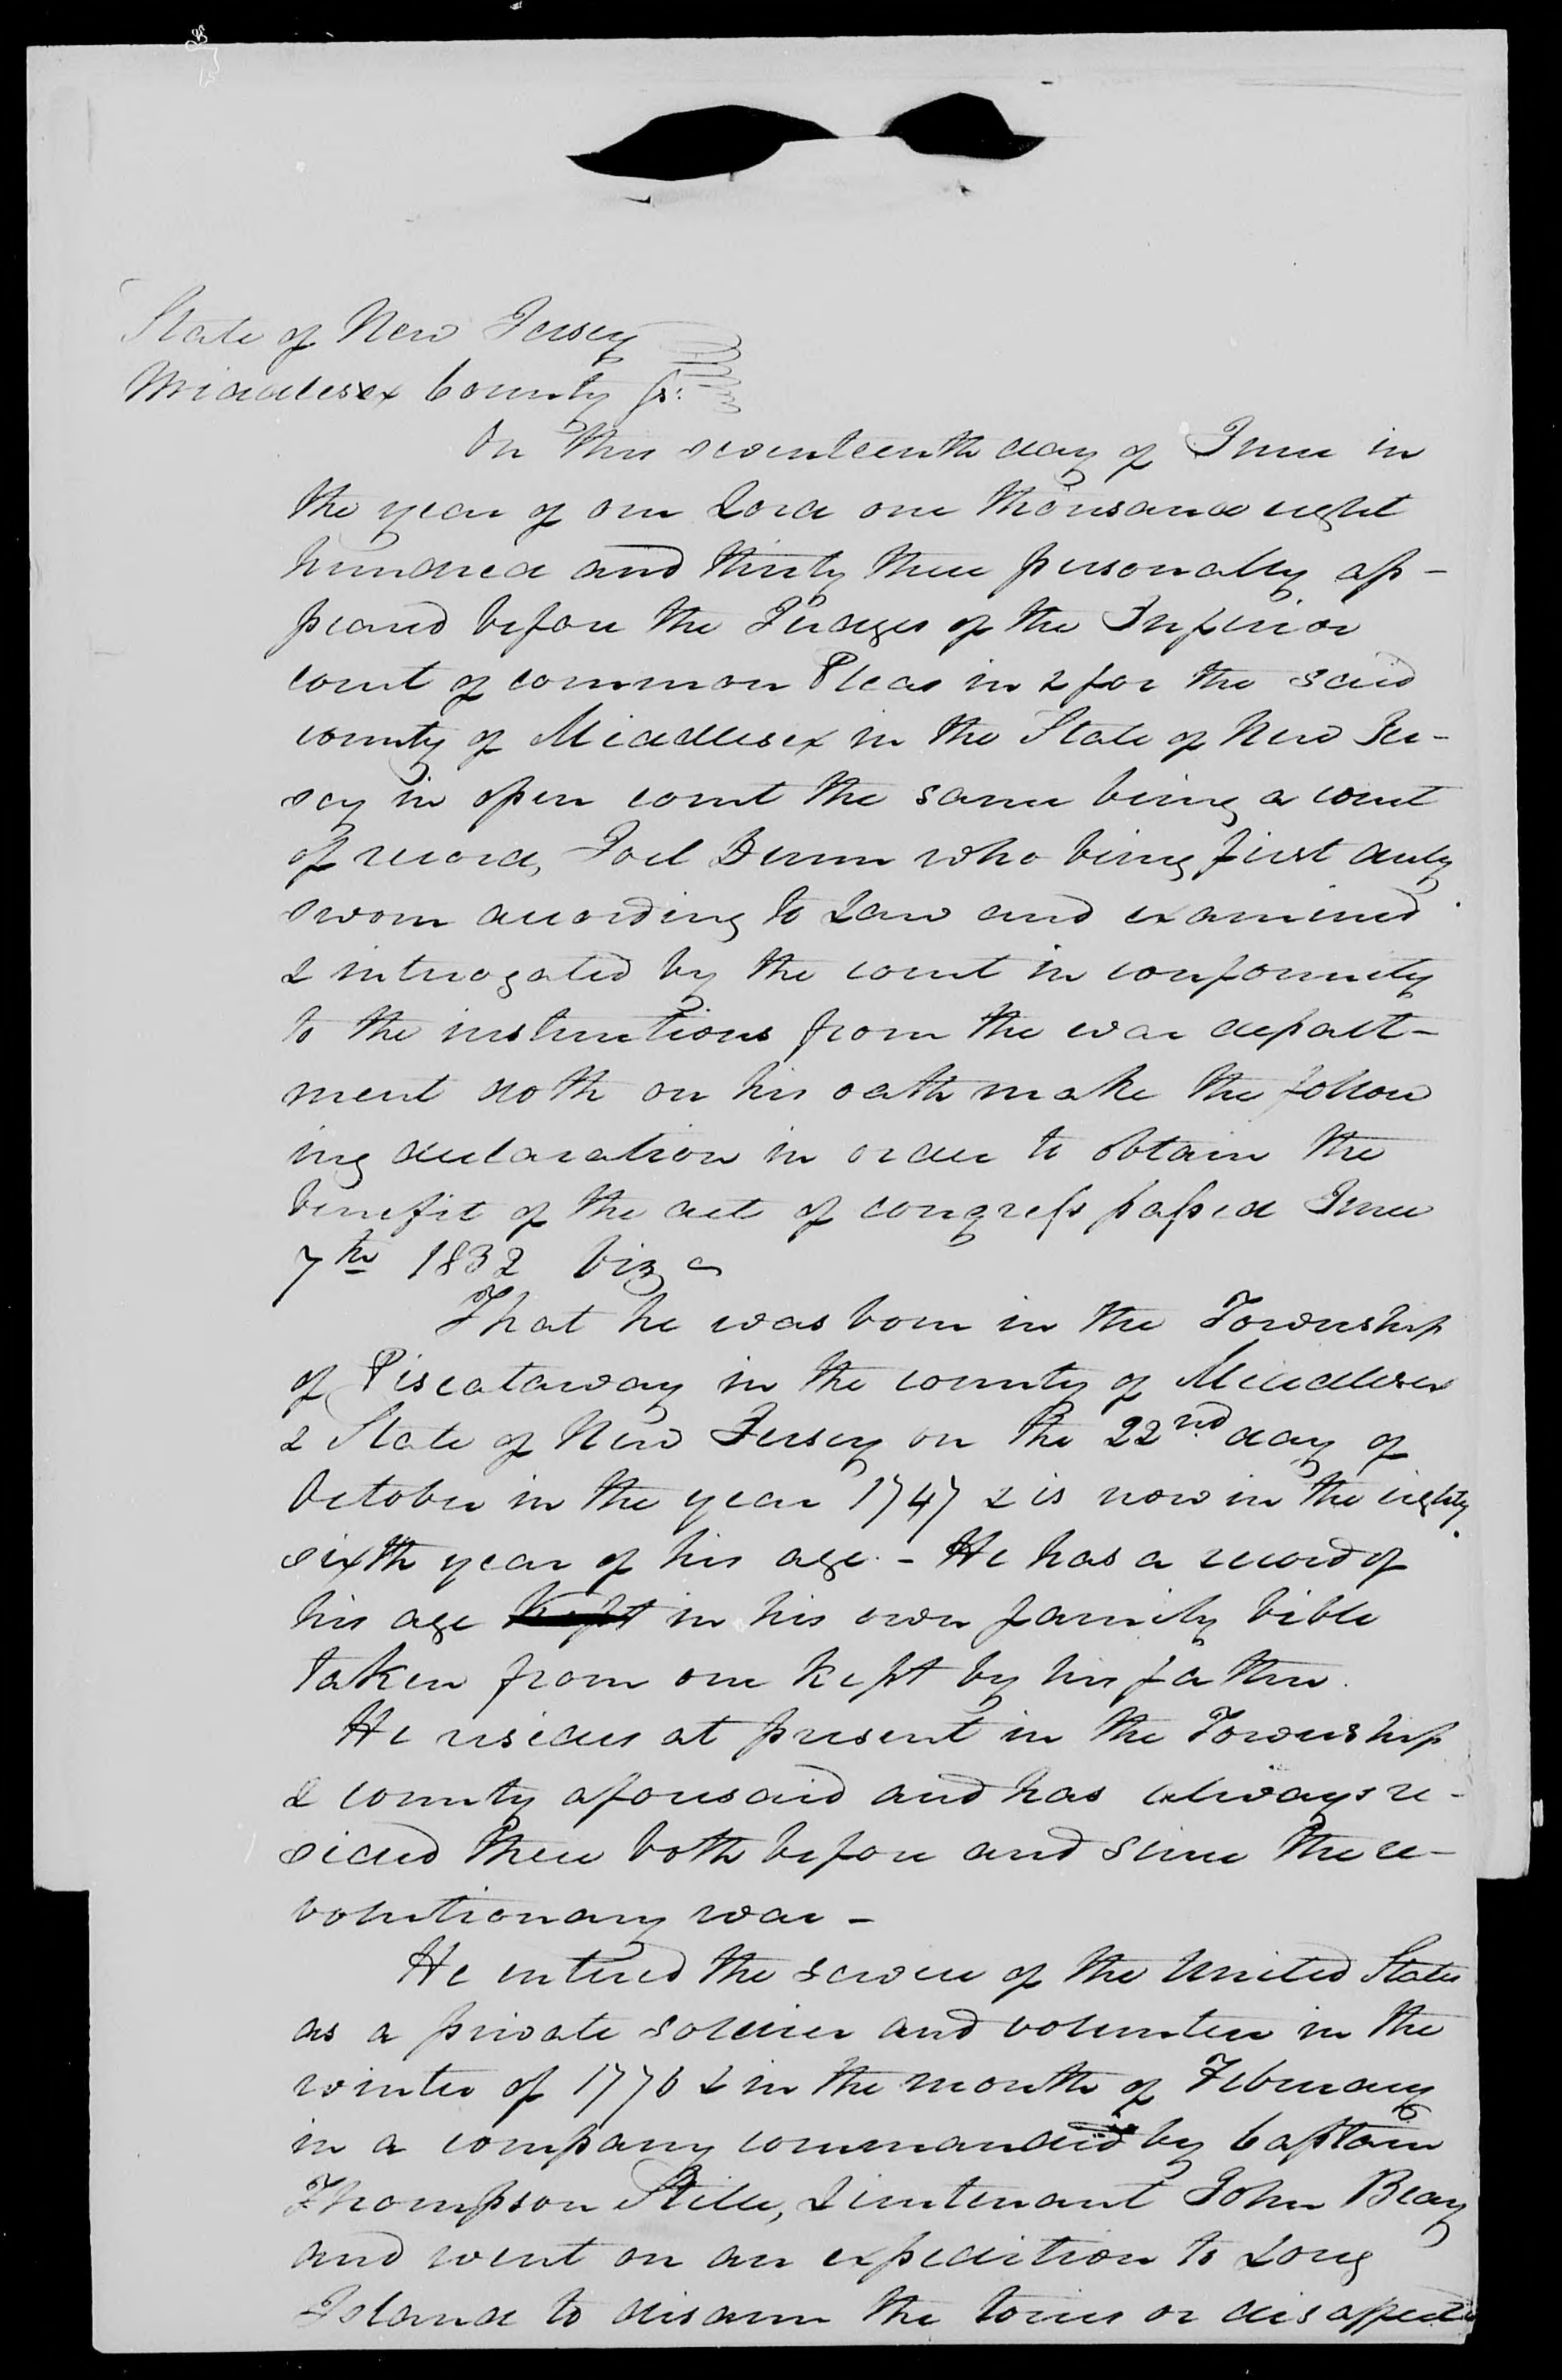State of New Jersey Middlesex County ss:
On the seventeenth day of June in the year of our Lord one thousand eight hundred and thirty three personally appeared before the Judges of the Inferior court of common Pleas in & for the said county of Middlesex in the State of New Jersey in open court the same being a court of record, Joel Dunn who being first duly sworn according to Law and examined & interrogated by the court in conformity to the instructions from the war department doth on his oath make the following declaration in order to obtain the benefit of the act of congress passed June 7th 1832 viz -
That he was born in the Township of Piscataway in the county of Middlesex & State of New Jersey on the 22nd day of October in the year 1747 & is now in the eighty sixth year of his age. He has a record of his age ["kept" crossed out] in his own family bible taken from one kept by his father.
He resides at present in the Township & county aforesaid and has always resided there both before and since the revolutionary war.
He entered the service of the United States as a private soldier and volunteer in the winter of 1776 & in the month of February in a company commanded by Captain Thompson Stiles, Lieutenant John Blay and went on an expedition to Long Island to disarm the tories or [illegible]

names: Thompson, John Blay, Joel Dunn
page: 7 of 52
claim: widow's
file: W. 919, Joel Dunn, New Jersey